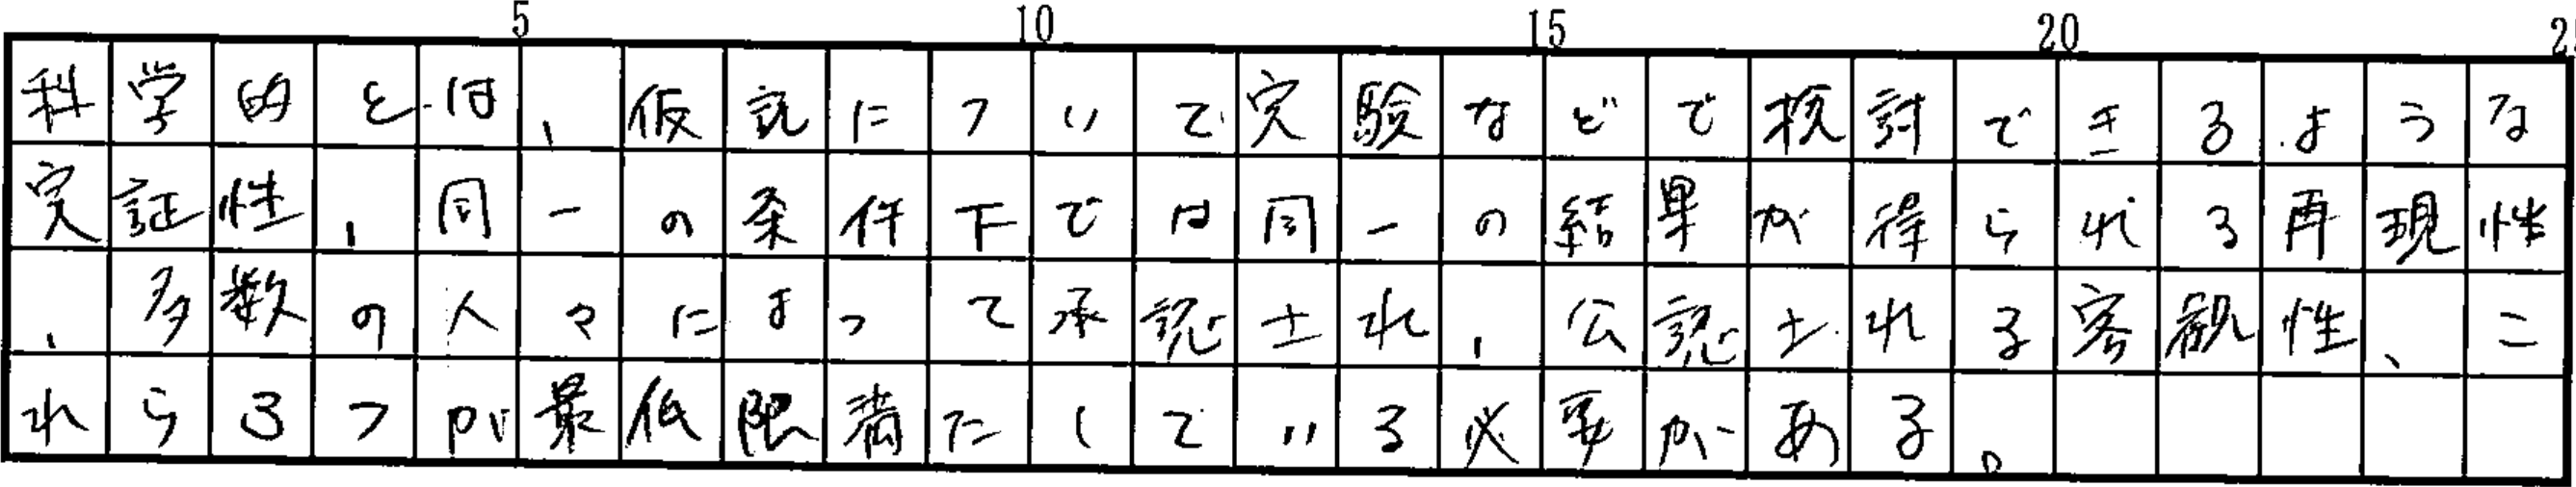科学的とは、仮説について実験などで検討できるような実証性、同一の条件下では同一の結果が得られる再現性、多数の人々によって承認され、公認される客観性、これら３つが最低限満たしている必要がある。
